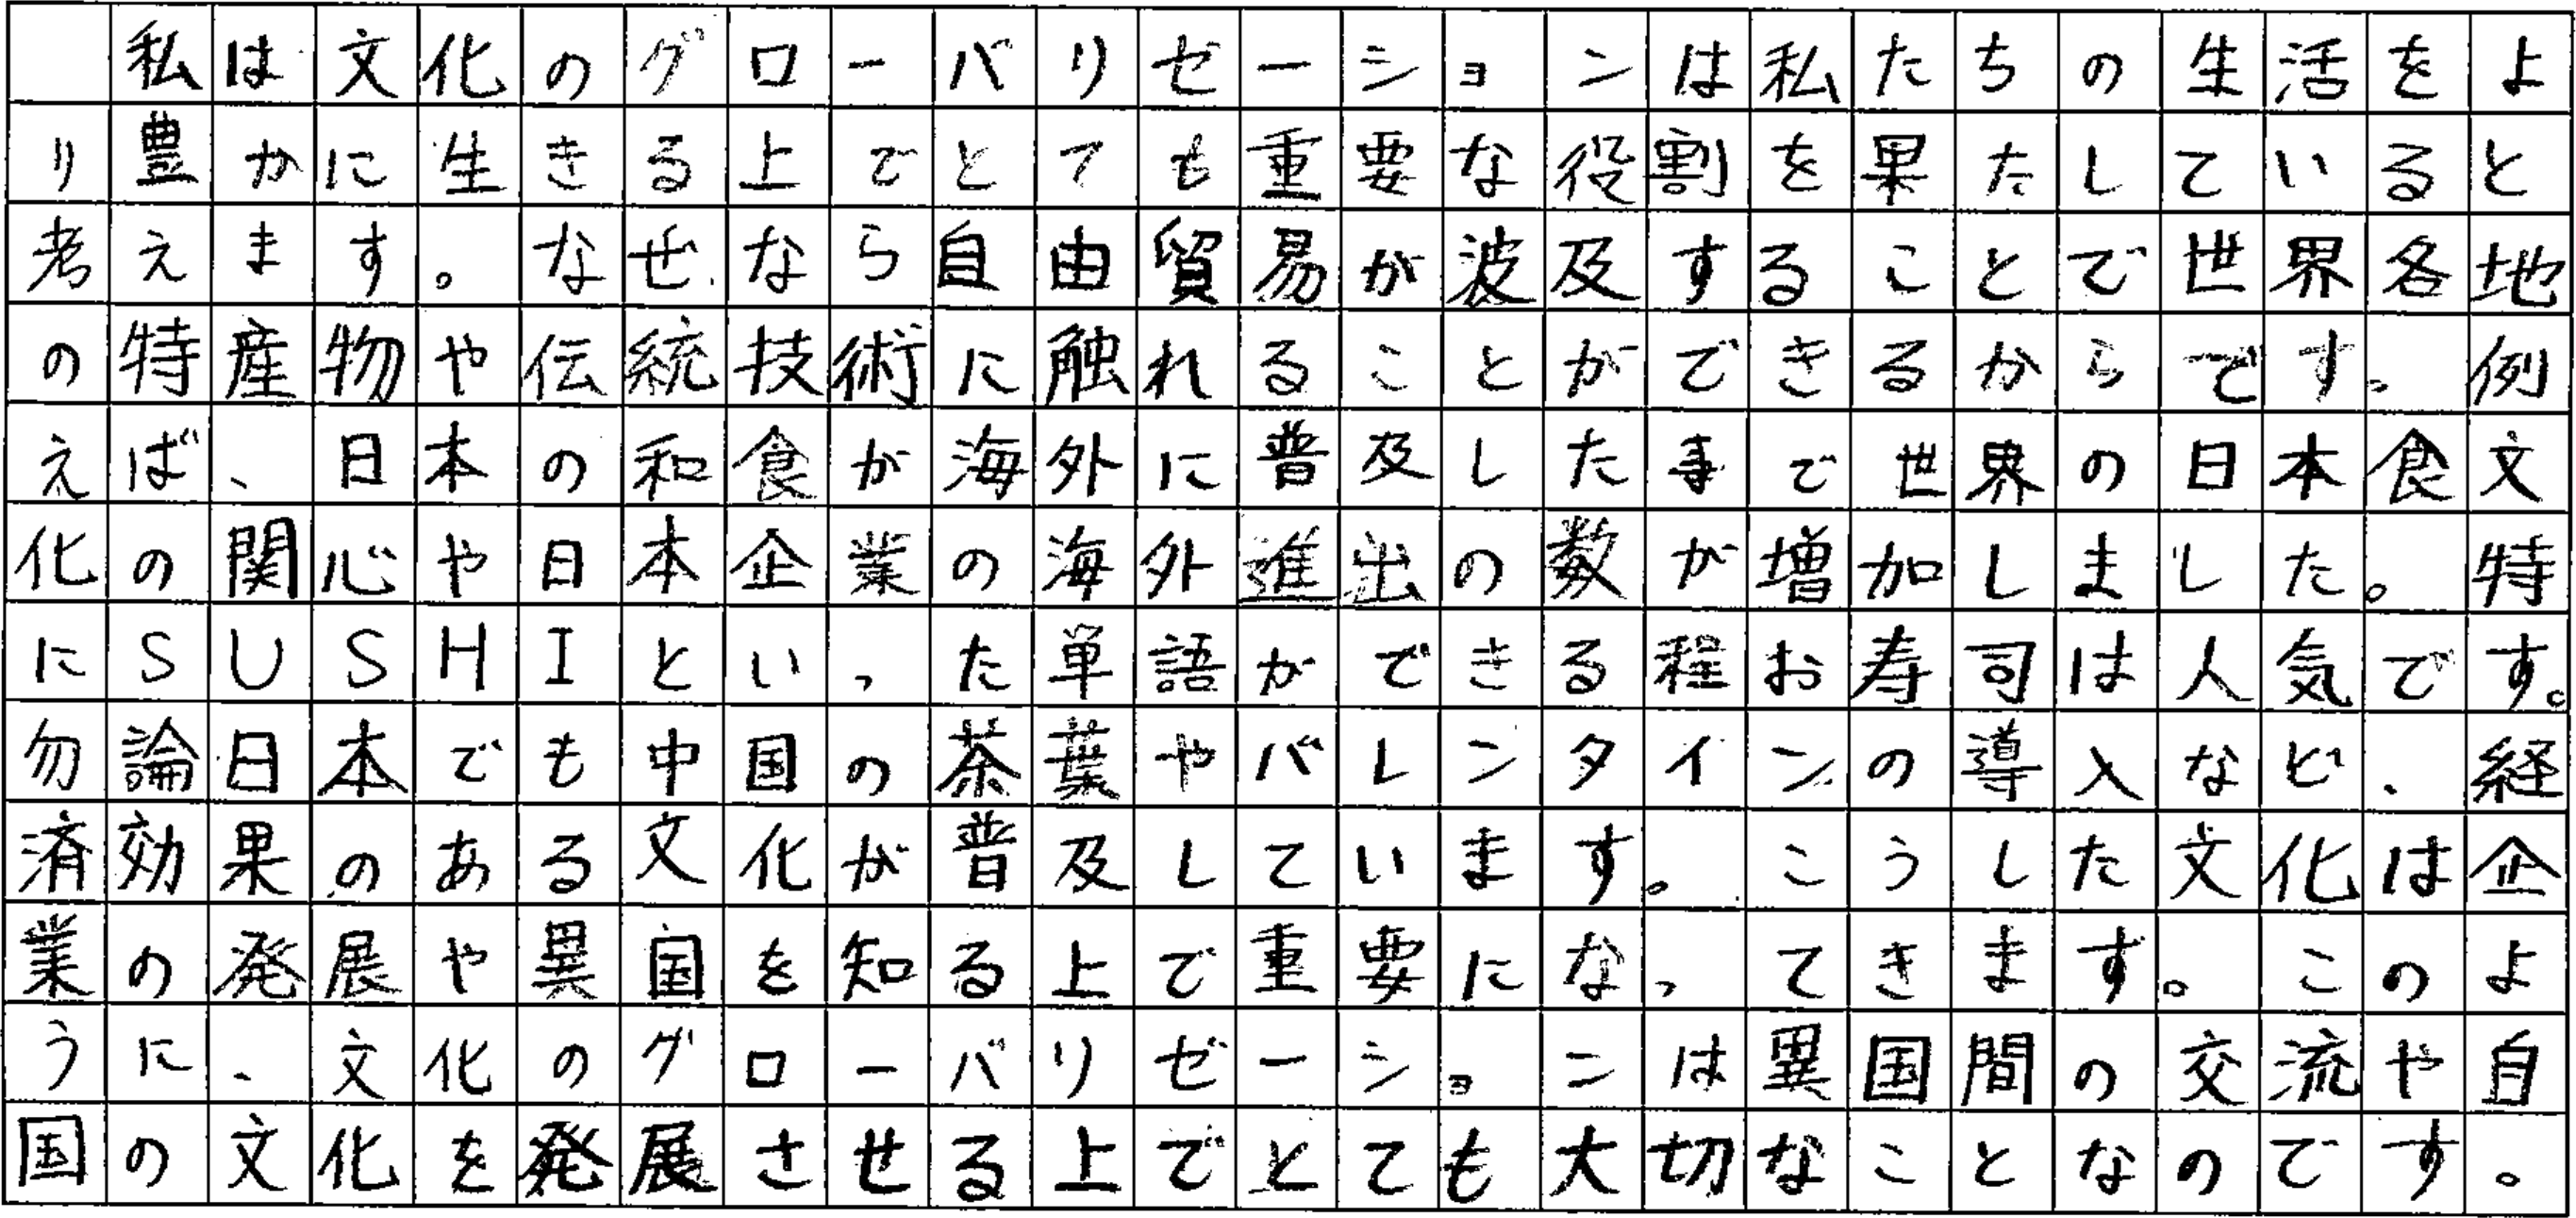　私は文化のグローバリゼーションは私たちの生活をより豊かに生きる上でとても重要な役割を果たしていると考えます。なぜなら自由貿易が波及することで世界各地の特産物や伝統技術に触れることができるからです。例えば、日本の和食が海外に普及した事で世界の日本食文化の関心や日本企業の海外進出の数が増加しました。特にＳＵＳＨＩといった単語が出来る程お寿司は人気です。勿論日本でも中国の茶葉やバレンタインの導入など、経済効果のある文化が普及しています。こうした文化は企業の発展や異国を知る上で重要になってきます。このように、文化のグローバリゼーションは異国間の交流や自国の文化を発展させる上でとても大切なことなのです。
